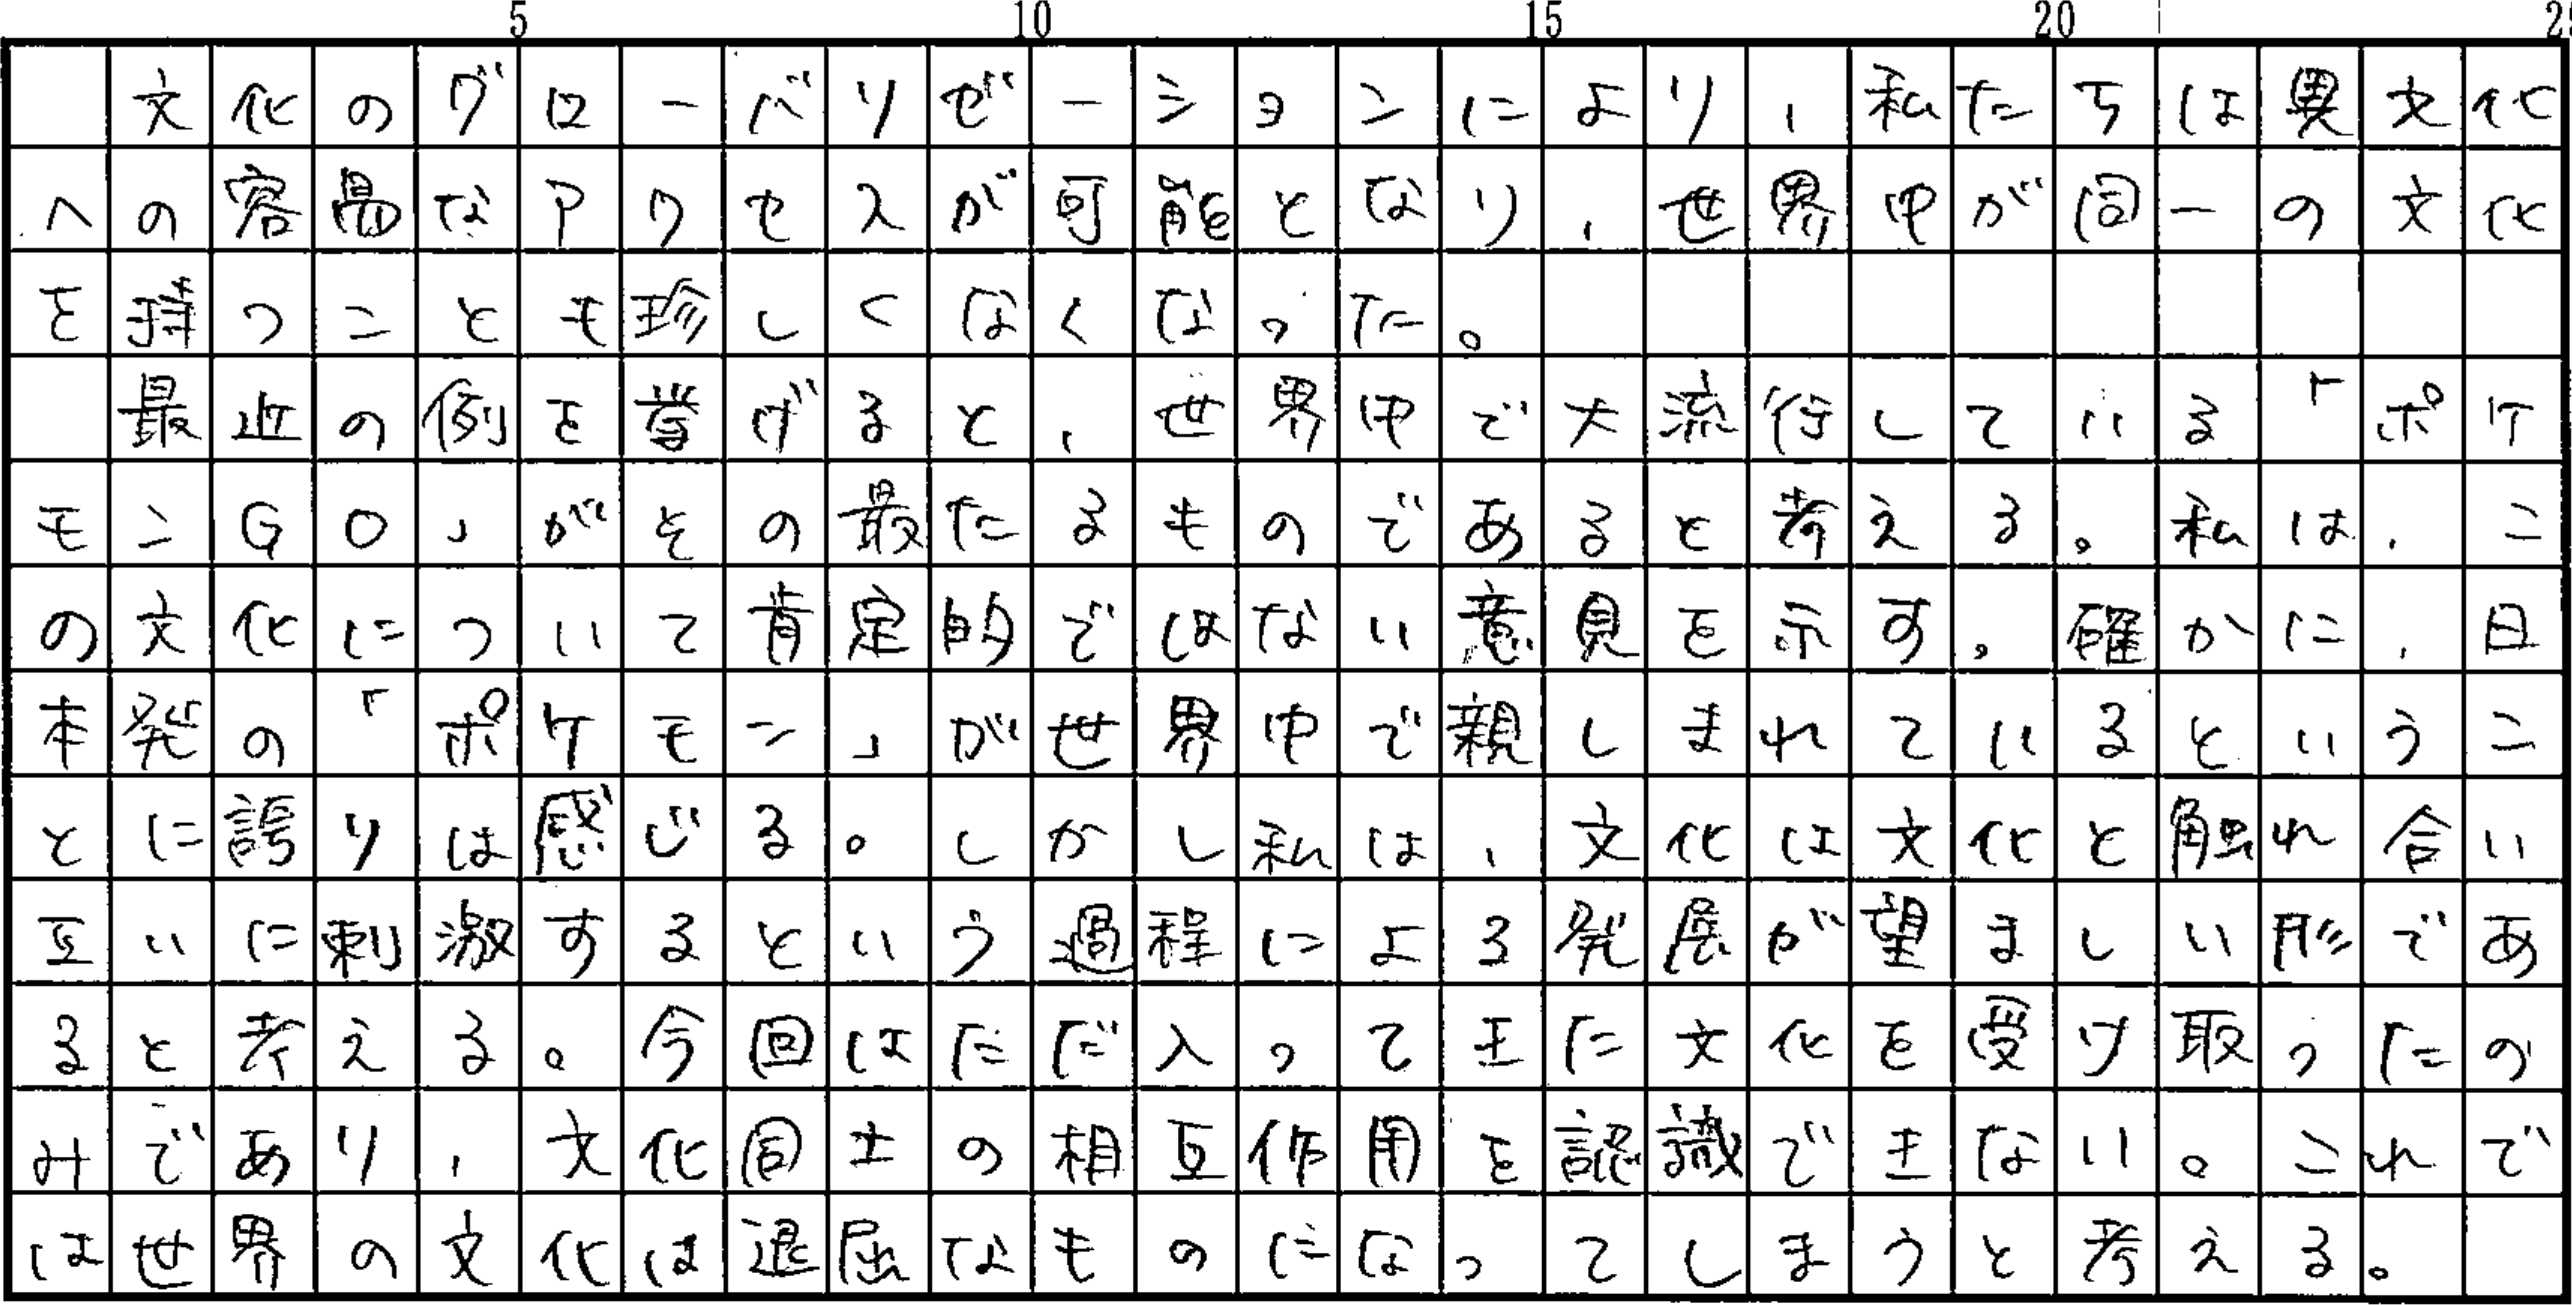　文化のグローバリゼーションにより、私たちは異文化への容易なアクセスが可能となり、世界中が同一の文化を持つことも珍しくなくなった。
　最近の例を挙げると、世界中で大流行している「ポケモンＧＯ」がその最たるものであると考える。私は、この文化について肯定的ではない意見を示す。確かに、日本発の「ポケモン」が世界中で親しまれているということに誇りは感じる。しかし私は、文化は文化と触れ合い互いに刺激するという過程による発展が望ましい形であると考える。今回はただ入ってきた文化を受け取ったのみであり、文化同士の相互作用を認識できない。これでは世界の文化は退屈なものになってしまうと考える。
